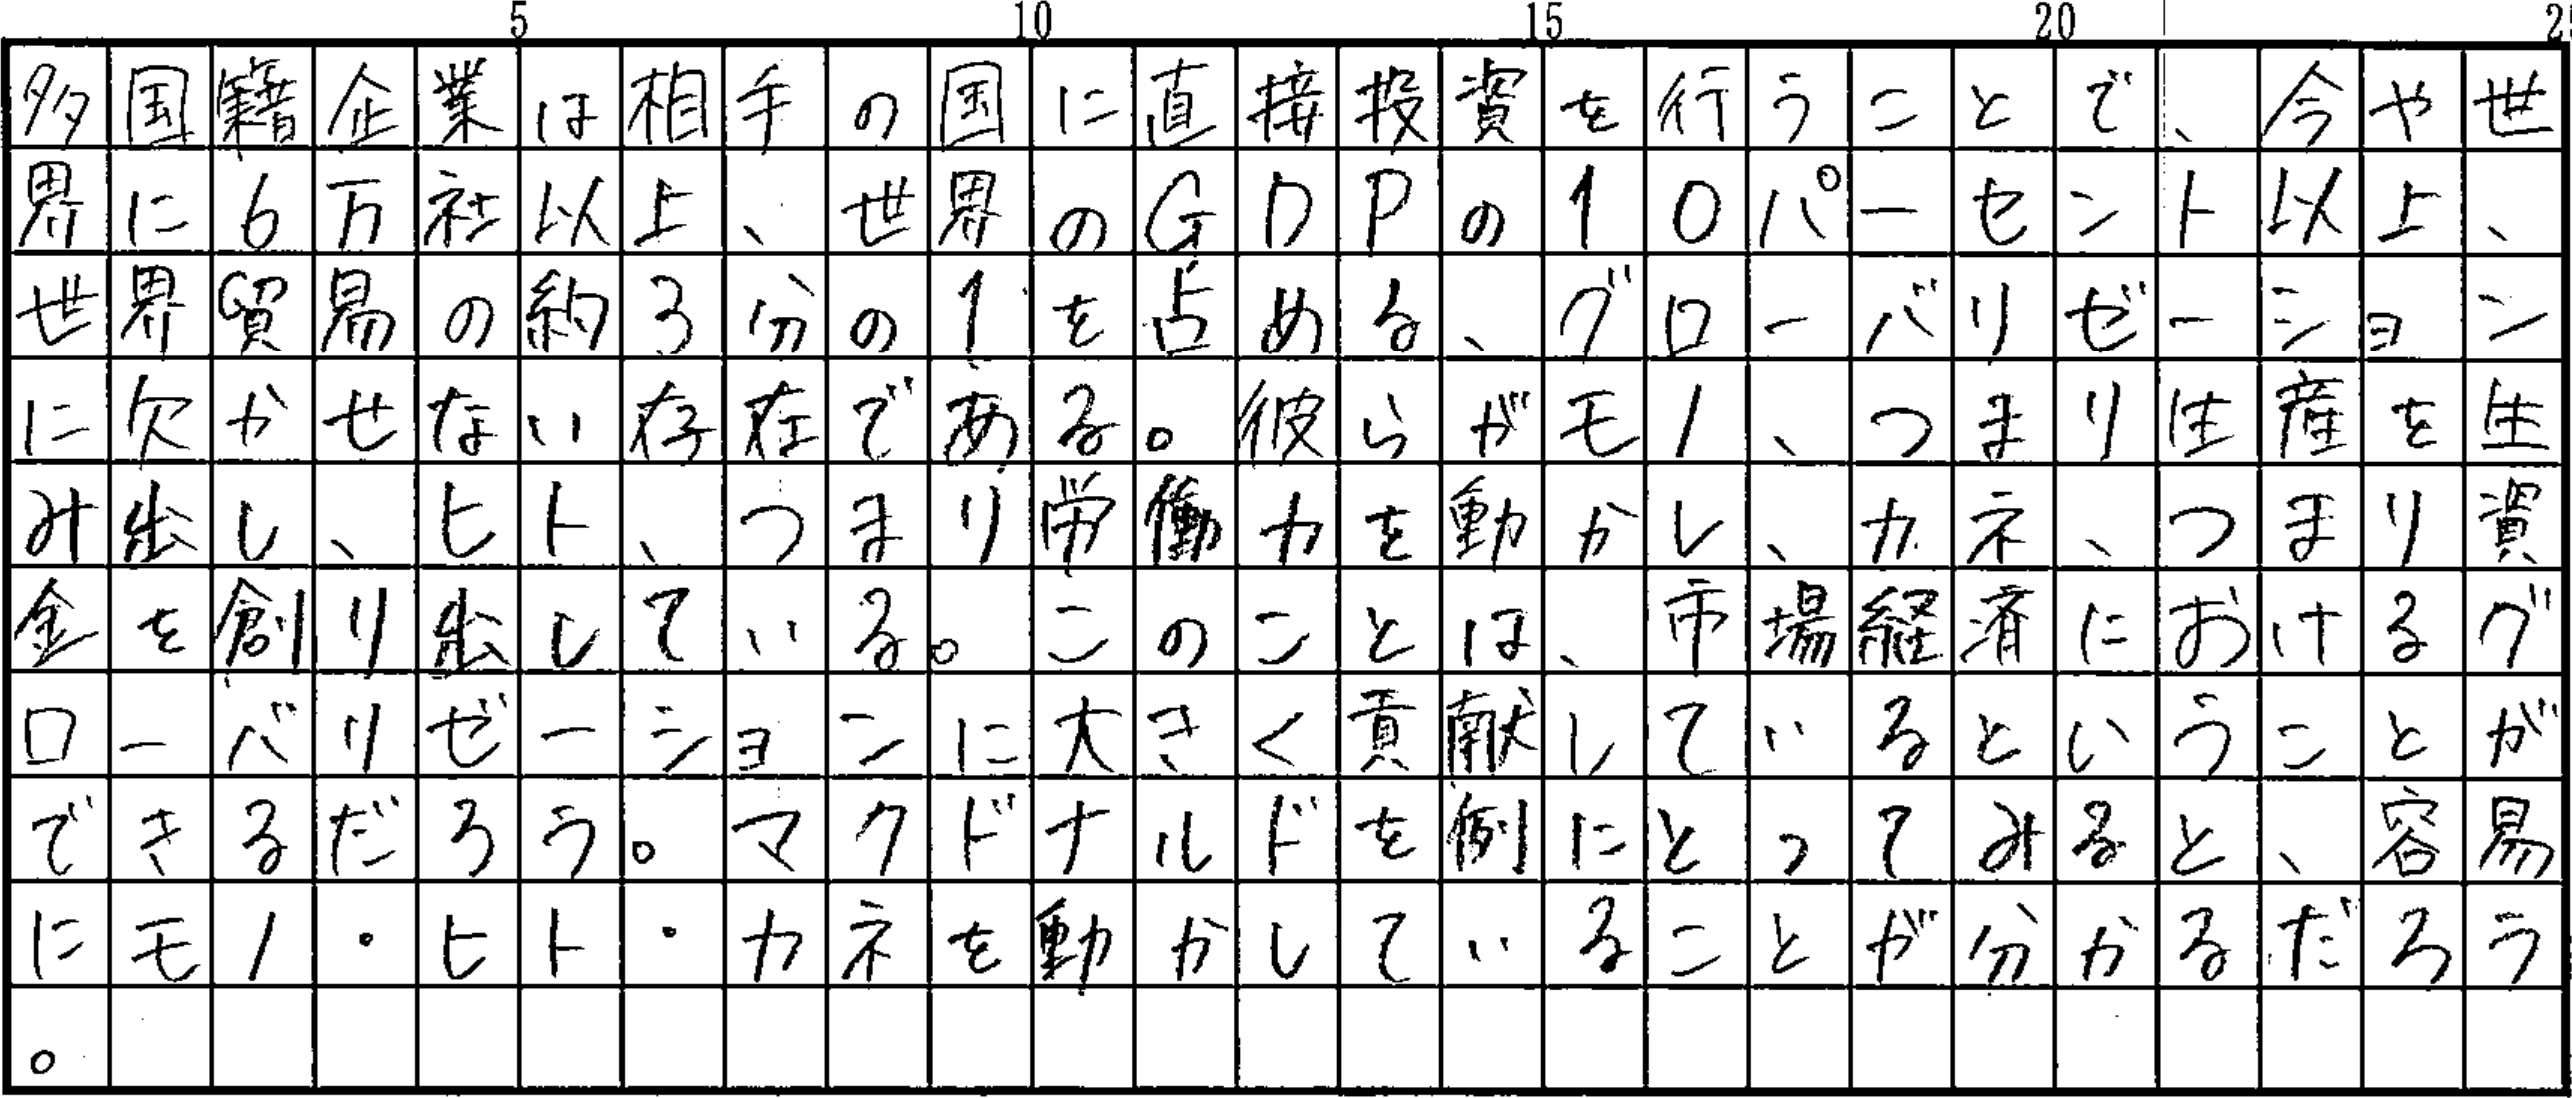多国籍企業は相手の国に直接投資を行うことで、今や世界に６万社以上、世界のＧＤＰの１０パーセント以上、世界貿易の約３分の１を占める、グローバリゼーションに欠かせない存在である。彼らがモノ、つまり生産を生み出し、ヒト、つまり労働力を動かし、カネ、つまり資金を創り出している。このことは、市場経済におけるグローバリゼーションに大きく貢献しているということができるだろう。マクドナルドを例にとってみると、容易にモノ・ヒト・カネを動かしていることが分かるだろう。
